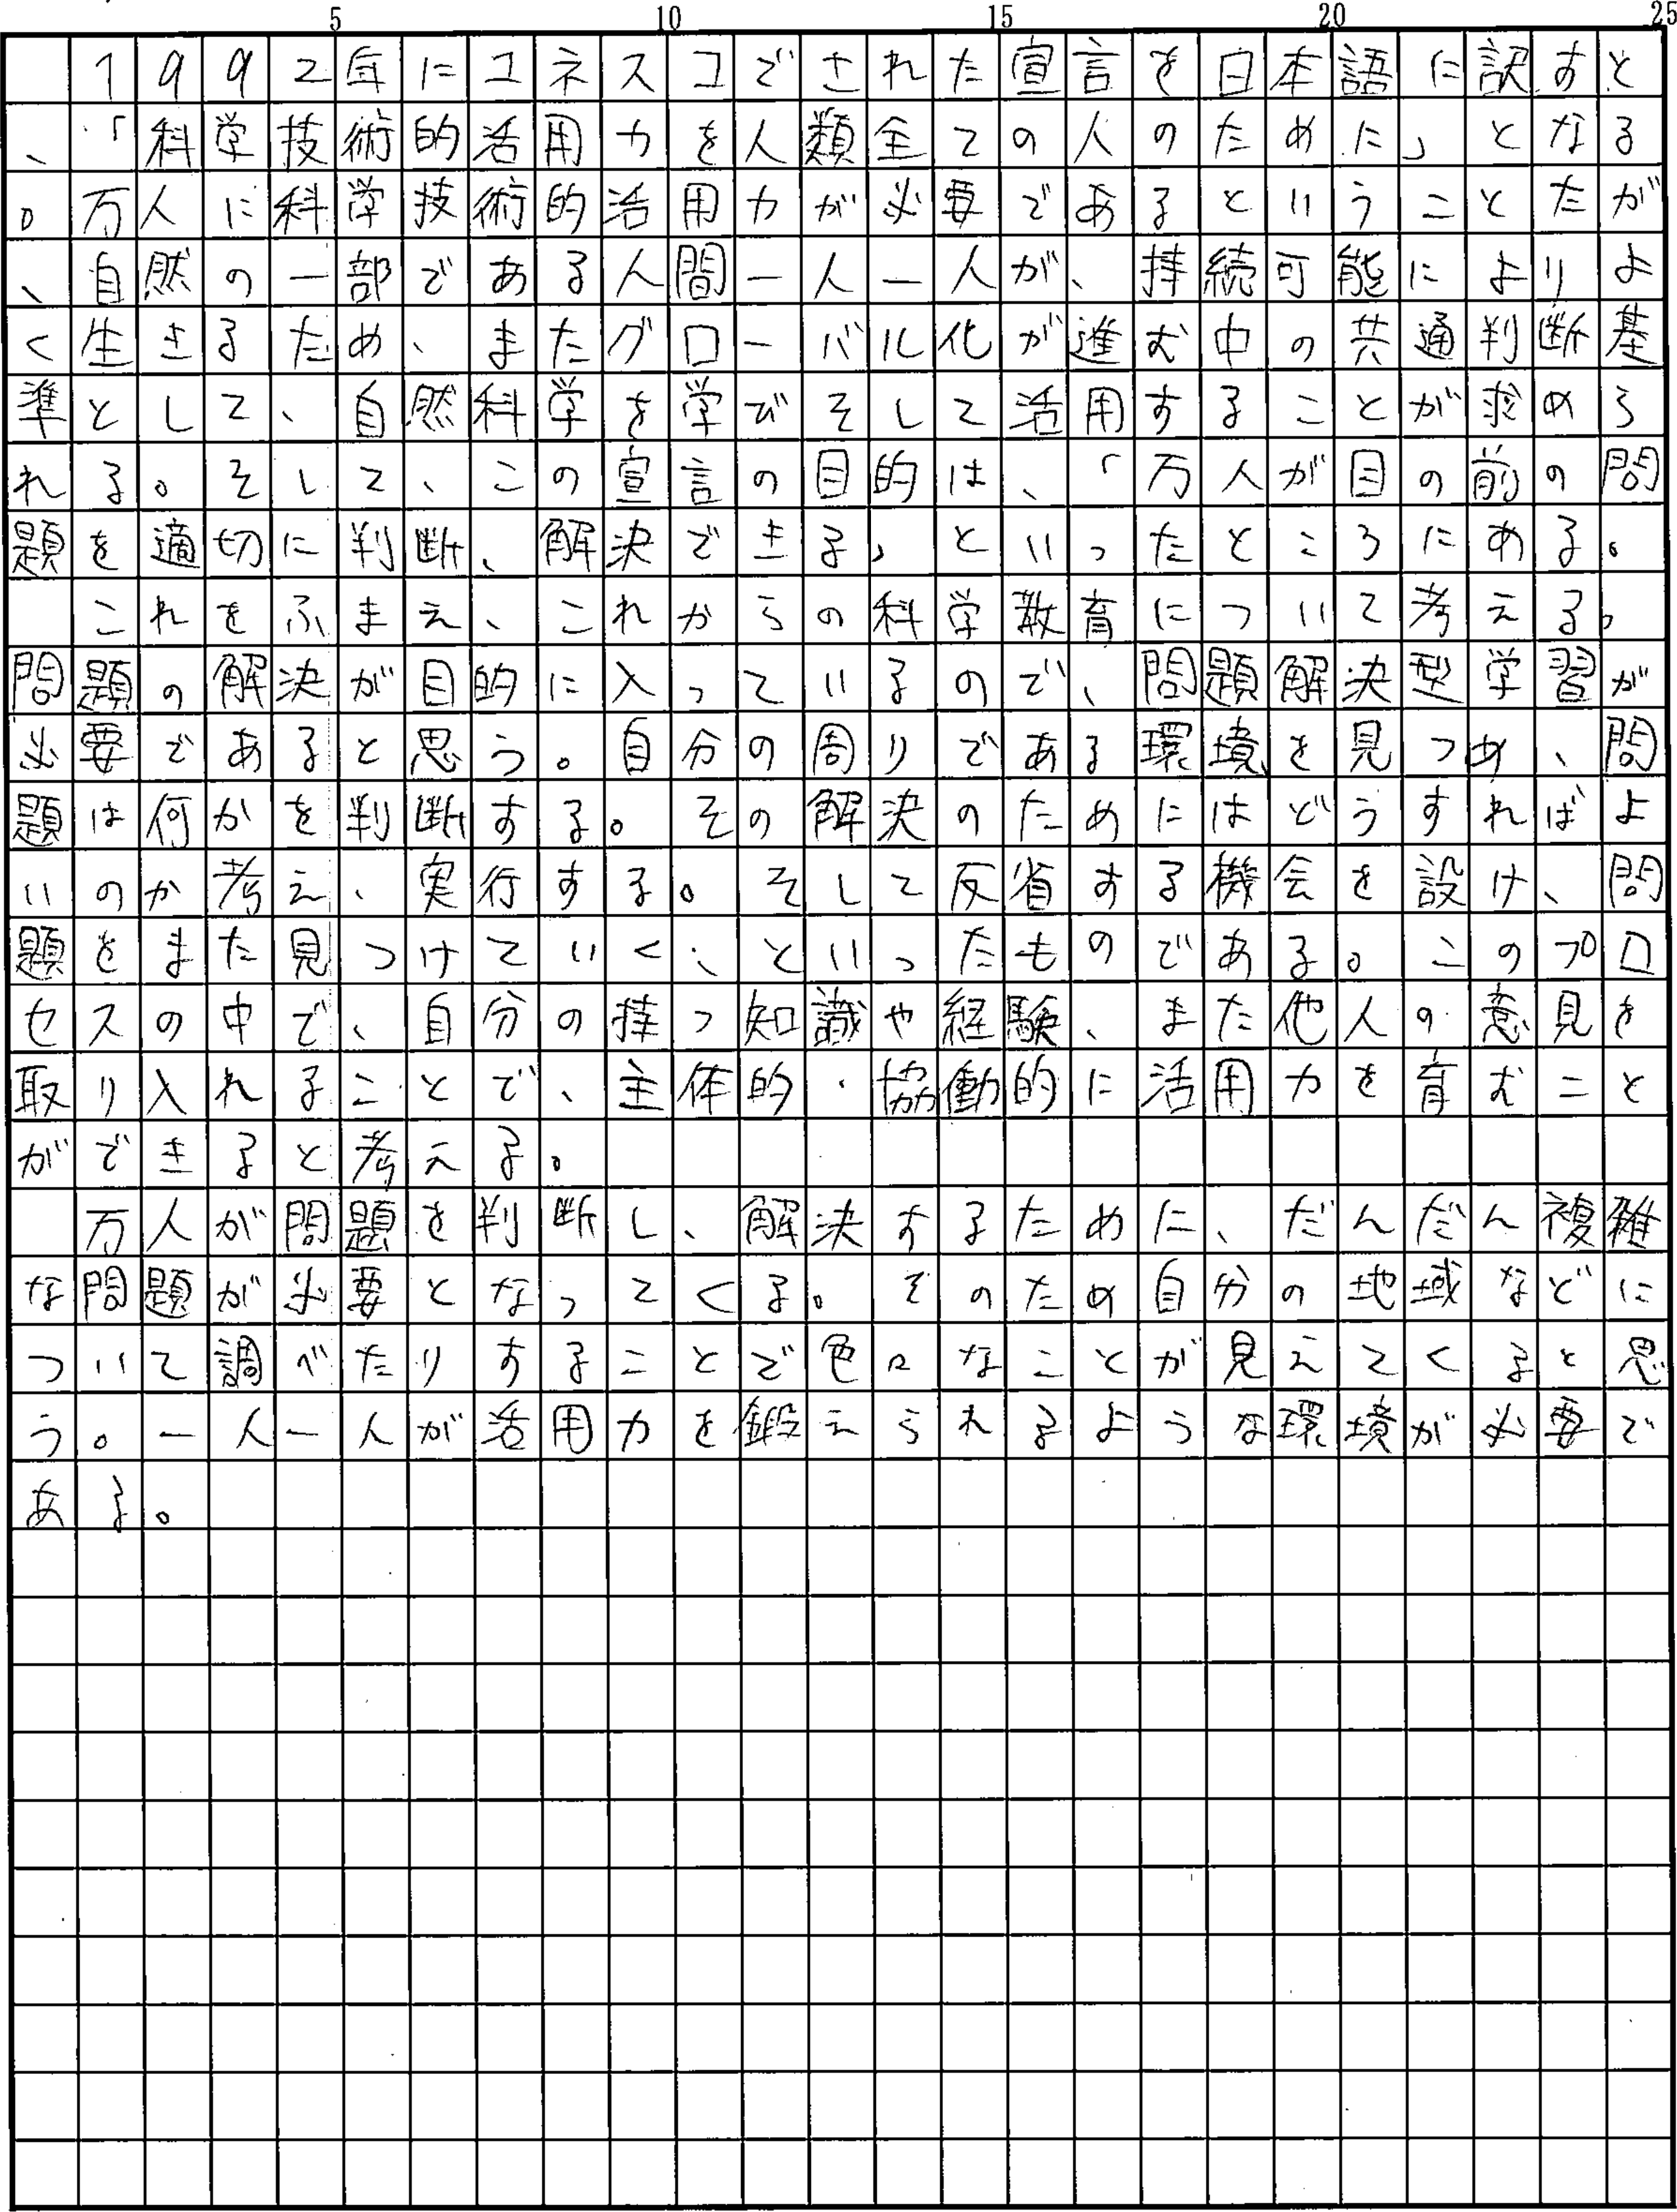　１９９２年にユネスコでされた宣言を日本語に訳すと、「科学技術的活用力を人類全ての人のために」となる。万人に科学技術的活用力が必要であるということたが、自然の一部である人間一人一人が、持続可能によりよく生きるため、またグローバル化が進む中の共通判断基準として、自然科学を学びそして活用することが求められる。そして、この宣言の目的は、「万人が目の前の問題を適切に判断、解決できる」といったところにある。
　これをふまえ、これからの科学教育について考える。問題の解決が目的に入っているので、問題解決型学習が必要であると思う。自分の周りである環境を見つめ、問題は何かを判断する。その解決のためにはどうすればよいのか考え、実行する。そして反省する機会を設け、問題をまた見つけていく、といったものである。このプロセスの中で、自分の持つ知識や経験、また他人の意見を取り入れることで、主体的・協働的に活用力を育むことができると考える。
　万人が問題を判断し、解決するために、だんだん複雑な問題が必要となってくる。そのため自分の地域などについて調べたりすることで色々なことが見えてくると思う。一人一人が活用力を鍛えられるような環境が必要である。
